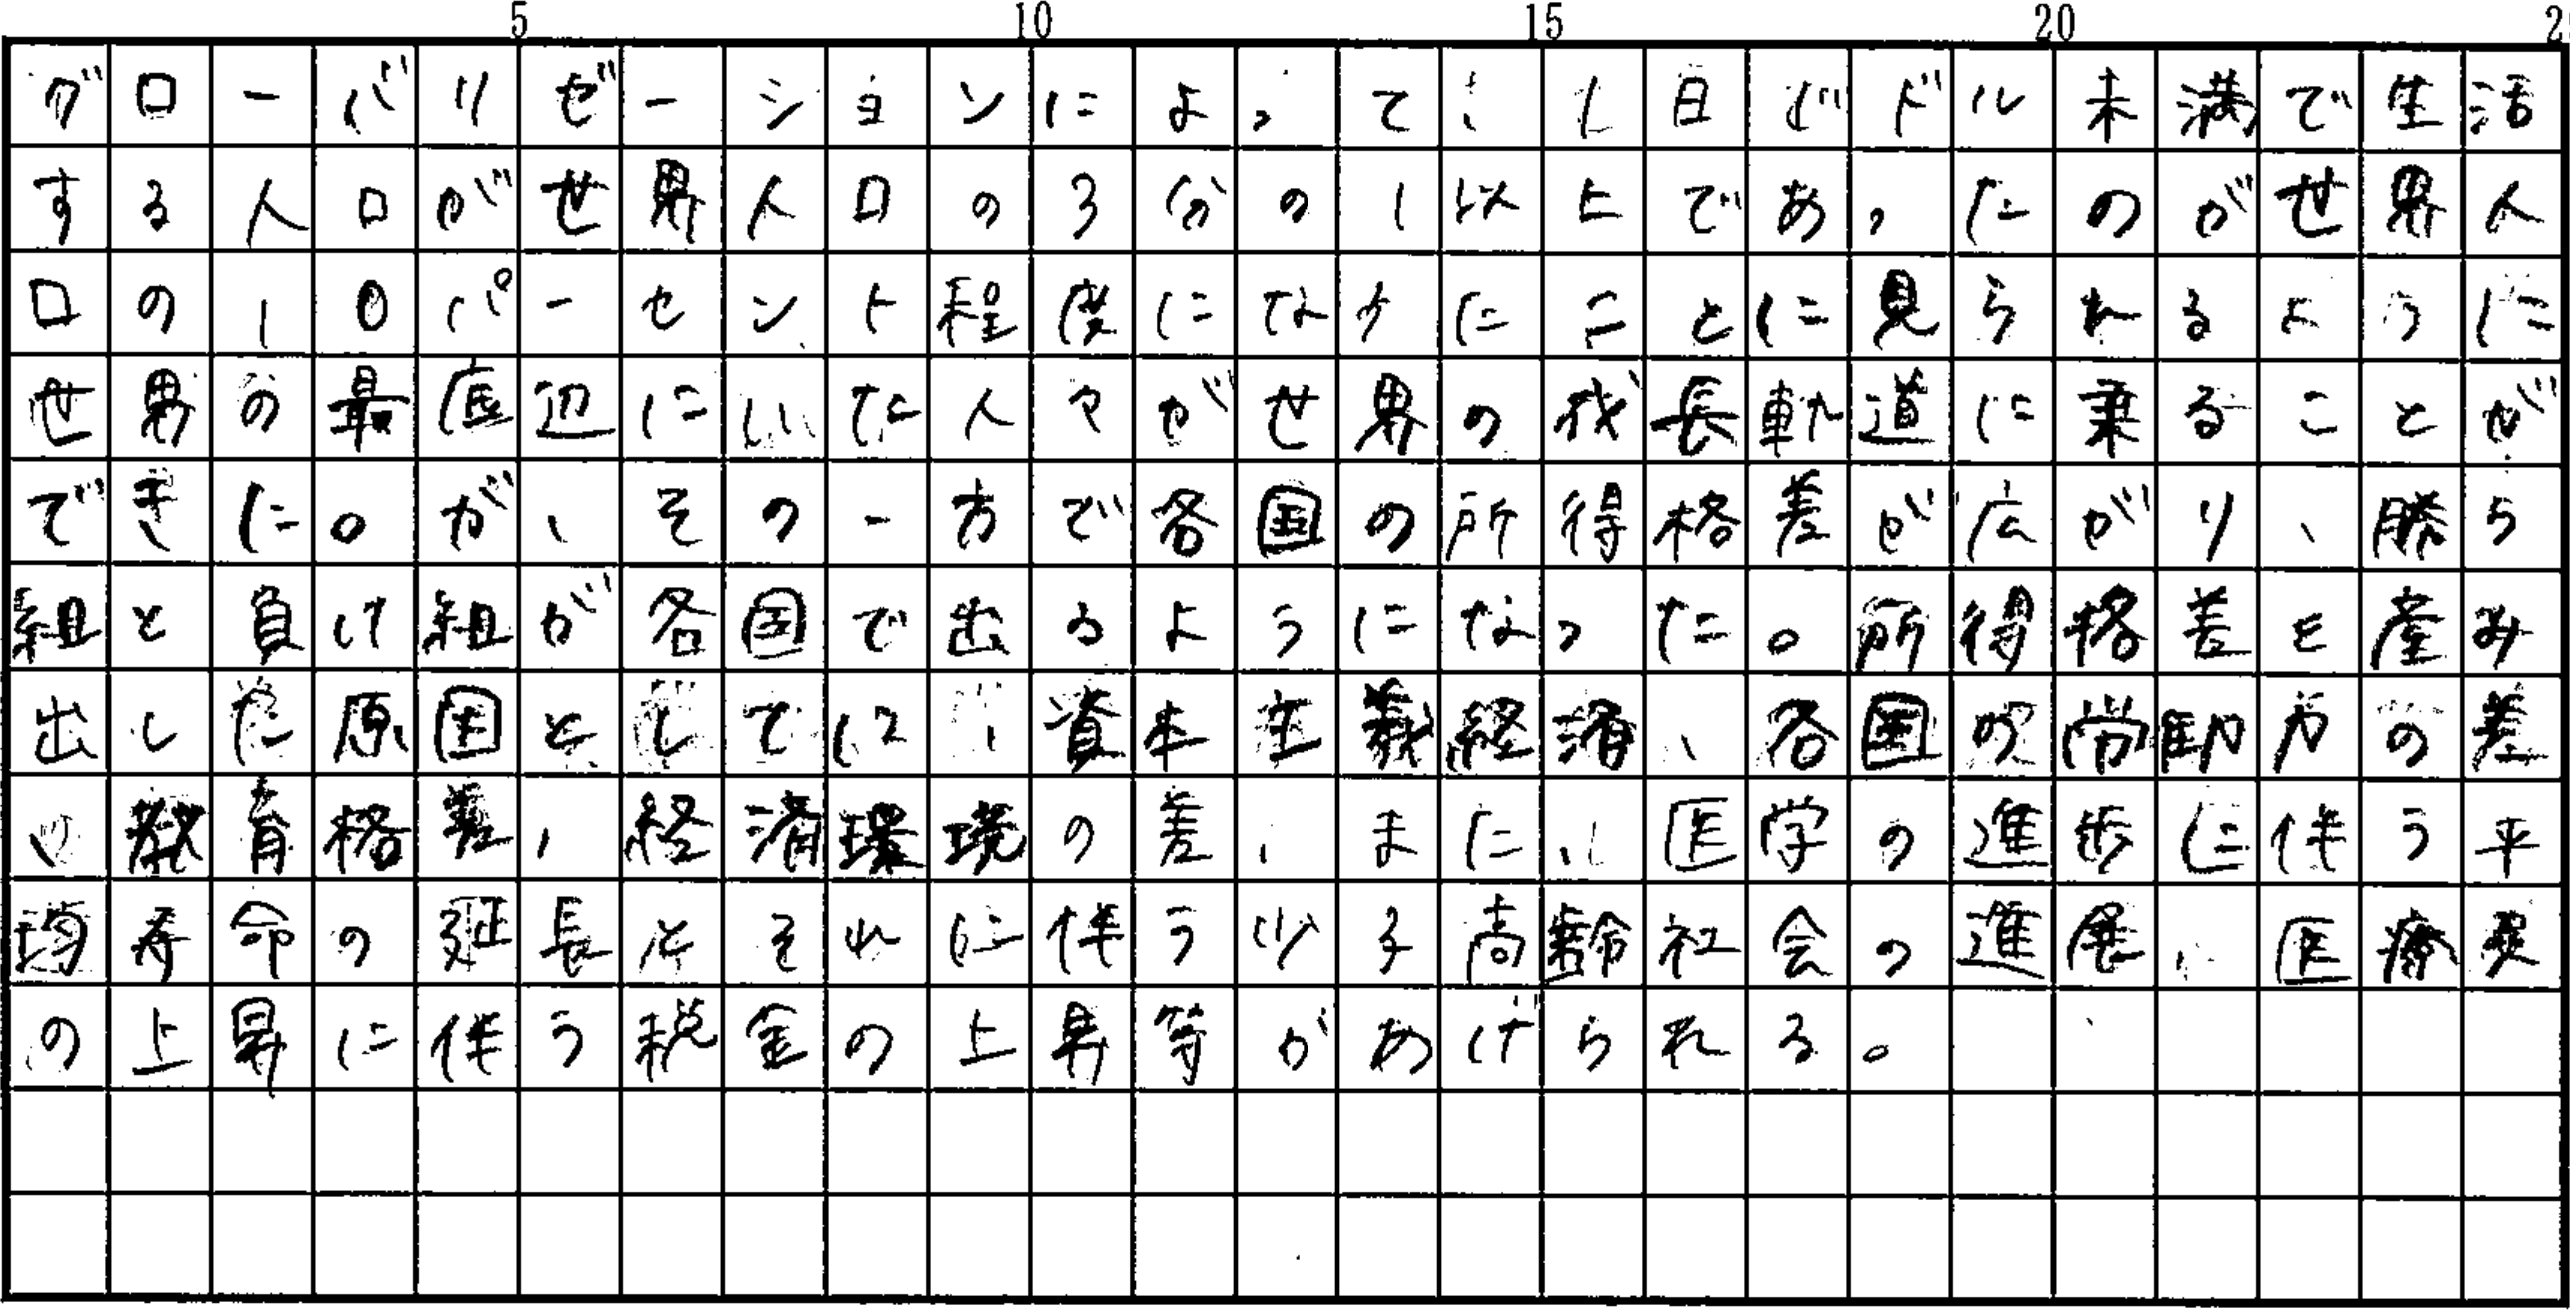グローバリゼーションによって、１日１ドル未満で生活する人口が世界人口の３分の１以上であったのが世界人口の１０パーセント程度になったことに見られるように世界の最底辺にいた人々が世界の成長軌道に乗ることができた。が、その一方で各国の所得格差が広がり、勝ち組と負け組が各国で出るようになった。所得格差を産み出した原因としては、資本主義経済、各国の労▁力の差、教育格差、経済環境の差、また、医学の進歩に伴う平均寿命の延長とそれに伴う少子高齢社会の進展、医療費の上昇に伴う税金の上昇等があげられる。
